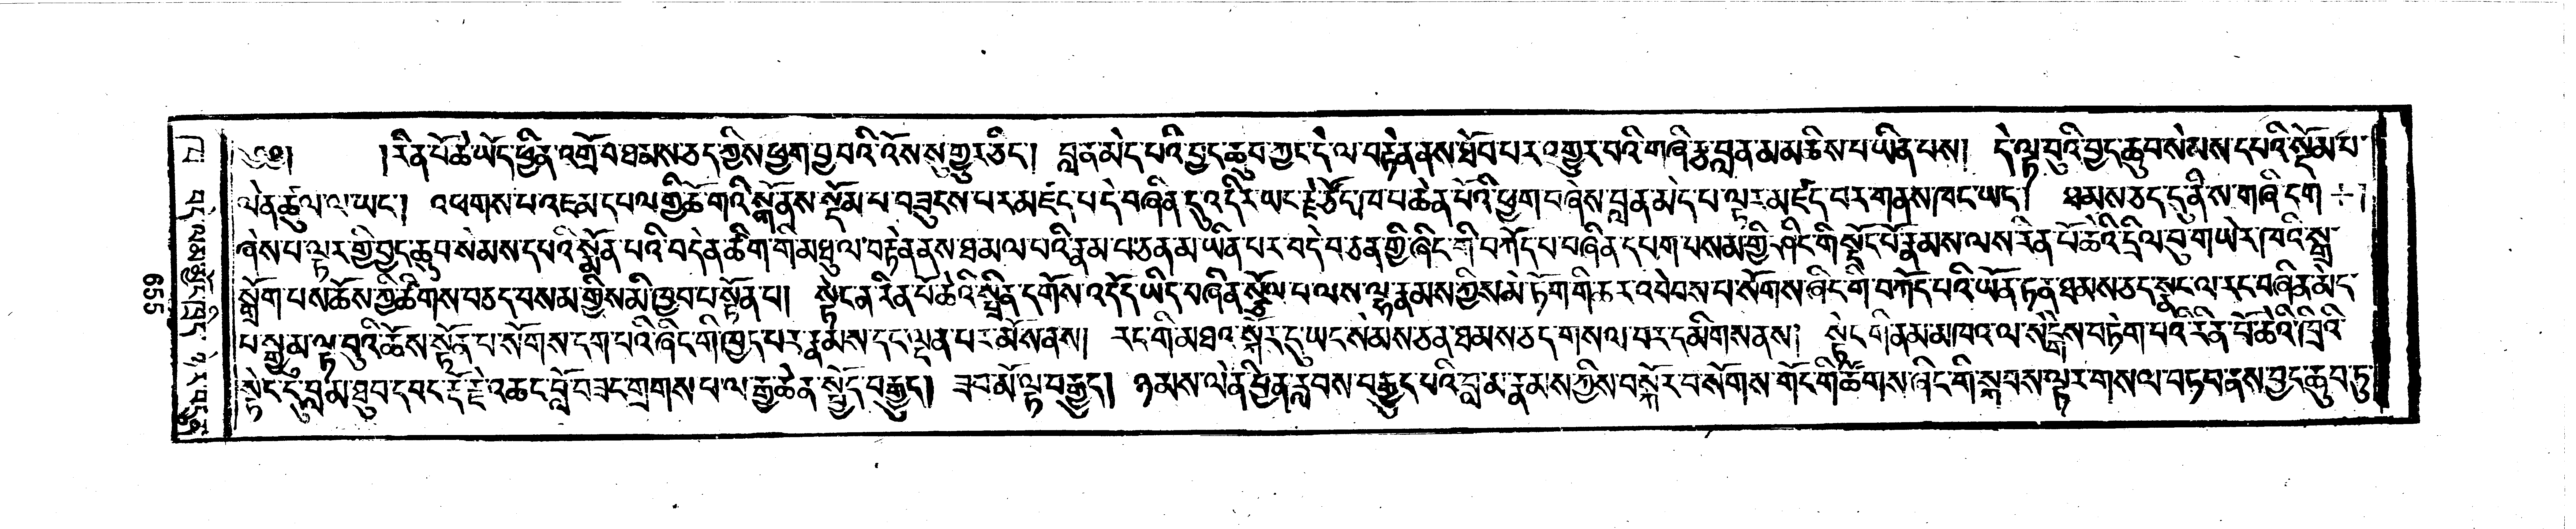༄༅། །རིན་པོ་ཆེ་ཡོད་ཕྱིན་འགྲོ་བ་ཐམས་ཅད་ཀྱིས་ཕྱག་བྱ་བའི་འོས་སུ་གྱུར་ཅིང་། བླ་ན་མེད་པའི་བྱང་ཆུབ་ཀྱང་དེ་ལ་བརྟེན་ནས་ཐོབ་པར་འགྱུར་པའི་གཞི་རྩ་བླ་ན་མ་མཆིས་པ་ཡིན་པས། དེ་ལྟ་བུའི་བྱང་ཆུབ་སེམས་དཔའི་སྡོམ་པ་
ལེན་ཚུལ་ལ་ཡང་། འཕགས་པ་འཇམ་དཔལ་གྱི་ཆོ་གའི་སྒོ་ནས་སྡོམ་པ་བཟུངས་པར་མཛད་པ་དེ་བཞིན་དུ་འདིར་ཡང་རྗེ་ཙོང་ཁ་པ་ཆེན་པོའི་ཕྱག་བཞེས་བླ་ན་མེད་པ་ལྟར་མཛད་པར་གནས་ཁང་ཡང་། ཐམས་ཅད་དུ་ནི་ས་གཞི་དག་+་།
ཞེས་པ་ལྟར་གྱི་བྱང་ཆུབ་སེམས་དཔའི་སྨོན་པའི་བདེན་ཚིག་གི་མཐུ་ལ་བརྟེན་ནས་ཐ་མལ་པའི་རྣམ་པ་ཅན་མ་ཡིན་པར་བདེ་བ་ཅན་གྱི་ཞིང་གི་བཀོད་པ་བཞིན་དཔག་བསམ་གྱི་ཤིང་གི་སྡོང་པོ་རྣམས་ལས་རིན་པོ་ཆེའི་དྲིལ་བུ་གཡེར་ཁའི་སྒྲ་
སྒྲོག་པས་ཆོས་ཀྱི་ཚིགས་བཅད་བསམ་གྱིས་མི་ཁྱབ་པ་སྟོན་པ། སྟེང་ན་རིན་པོ་ཆེའི་སྤྲིན་དགོས་འདོད་ཡིད་བཞིན་སྩོལ་བ་ལས་ལྷ་རྣམས་ཀྱིས་མེ་ཏོག་གི་ཆར་འབེབས་པ་སོགས་ཞིང་གི་བཀོད་པའི་ཡོན་ཏན་ཐམས་ཅད་སྣང་ལ་རང་བཞིན་མེད་
པ་སྒྱ་མ་ལྟ་བུའི་ཆོས་སྟོན་པ་སོགས་དག་པའི་ཞིང་གི་ཁྱད་པར་རྣམས་དང་ལྡན་པར་མོས་ནས། རང་གི་མཐའ་སྐོར་དུ་ཡང་སེམས་ཅན་ཐམས་ཅད་གསལ་བར་དམིགས་ནས། སྟེང་གི་ནམ་མཁའ་ལ་སེངྒེ་བཏེག་པའི་རིན་པོ་ཆེའི་ཁྲིའི་
སྟེང་དུ་བླ་མ་ཐུབ་དབང་རྡོ་རྗེ་འཆང་བློ་བཟང་གྲགས་པ་ལ་རྒྱ་ཆེན་སྤྱོད་བརྒྱུད། ཟབ་མོ་ལྟ་བརྒྱུད། ཉམས་ལེན་བྱིན་རླབས་བརྒྱུད་པའི་བླ་མ་རྣམས་ཀྱིས་བསྐོར་བ་སོགས་གོང་གི་ཚོགས་ཞིང་གི་སྐབས་ལྟར་གསལ་བཏབ་ནས་བྱང་ཆུབ་ཏུ་